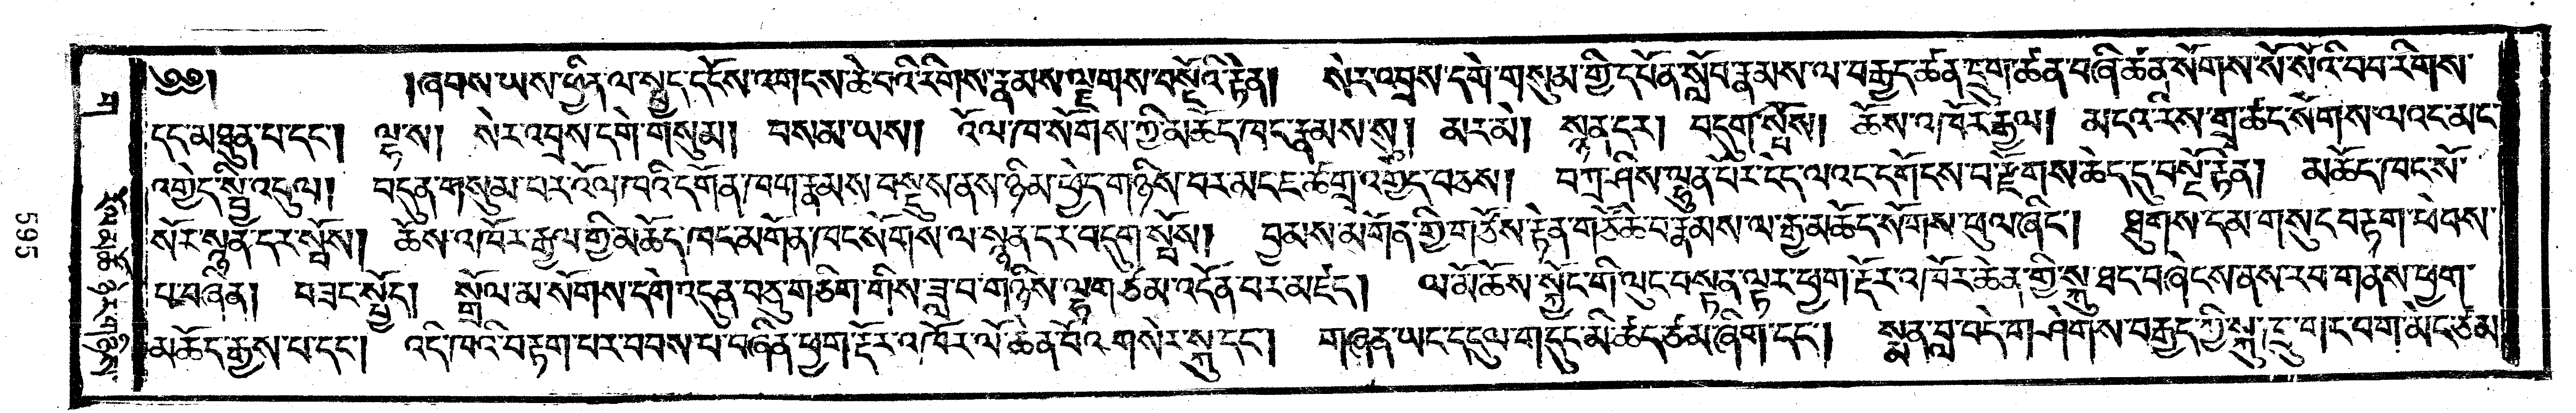༄༅། །ཞབས་ཡས་ཕྱིན་ལ་སྤྱད་དངོས་འགངས་ཆེ་བའི་རིགས་རྣམས་ལྗགས་བསྔོའི་རྟེན། སེར་འབྲས་དགེ་གསུམ་གྱི་དཔོན་སློབ་རྣམས་ལ་བརྒྱད་ཚན་དྲུག་ཚན་བཞི་ཚན་སོགས་སོ་སོའི་བབ་རིགས་
དད་མཐུན་པ་དང་། ལྷ་ས། སེར་འབྲས་དགེ་གསུམ། བསམ་ཡས། འོལ་ཁ་སོགས་ཀྱི་མཆོད་ཁང་རྣམས་སུ། མར་མེ། སྙན་དར། བདུག་སྤོས། ཆོས་འཁོར་རྒྱལ། མངའ་རིས་གྲྭ་ཚང་སོགས་ལའང་མང་
འགྱེད་སྦྱི་འདུལ། བདུན་གསུམ་པར་འོལ་ཁའི་དགོན་ཁག་རྣམས་བསྡུས་ནས་ཉིམ་ཕྱེད་གཉིས་བར་མང་ཇ་ཚ་གྲྭ་འགྱད་བཅས། བཀྲ་ཤིས་ལྷུན་པོར་ངེད་ལའང་དགོངས་པ་རྫོགས་ཆེད་དུ་བསྔོ་རྟེན། མཆོད་ཁང་སོ་
སོར་སྙན་དར་སྤོས། ཆོས་འཁོར་རྒྱལ་གྱི་མཆོད་ཁང་མགོན་ཁང་སོགས་ལ་སྙན་དར་བདུག་སྤོས། བྱམས་མགོན་གྱི་གཙོས་རྟེན་གཙོ་ཆེ་བ་རྣམས་ལ་རྒྱ་མཆོད་སོགས་ཕུལ་ཞིང་། ཐུགས་དམ་གསུང་བརྟག་ཕེབས་
པ་བཞིན། བཟང་སྤྱོད། སྒྲོལ་མ་སོགས་དགེ་འདུན་བཅུ་གཅིག་གིས་ཟླ་བ་གཉིས་ལྷག་ཙམ་འདོན་པར་མཛད། ལ་མོ་ཆོས་སྐྱོང་གི་ལུང་བསྟན་ལྟར་ཕྱག་རྡོར་འཁོར་ཆེན་གྱི་སྐུ་ཐང་བཞེངས་ནས་རབ་ག་ནས་ཕྱག་
མཆོད་རྒྱས་པ་དང་། འདི་ཁའི་བརྟག་པར་བབས་པ་བཞིན་ཕྱག་རྡོར་འཁོར་ལོ་ཆེན་བོའ་གསེར་སྐུ་དང་། གཞན་ཡང་དངུལ་གདུང་མི་ཚད་ཙམ་ཞིག་དང་། སྨན་བླ་བདེ་གཤེགས་བརྒྱད་ཀྱི་སྐུ་ཁྲུ་གང་བག་མེད་ཙམ་